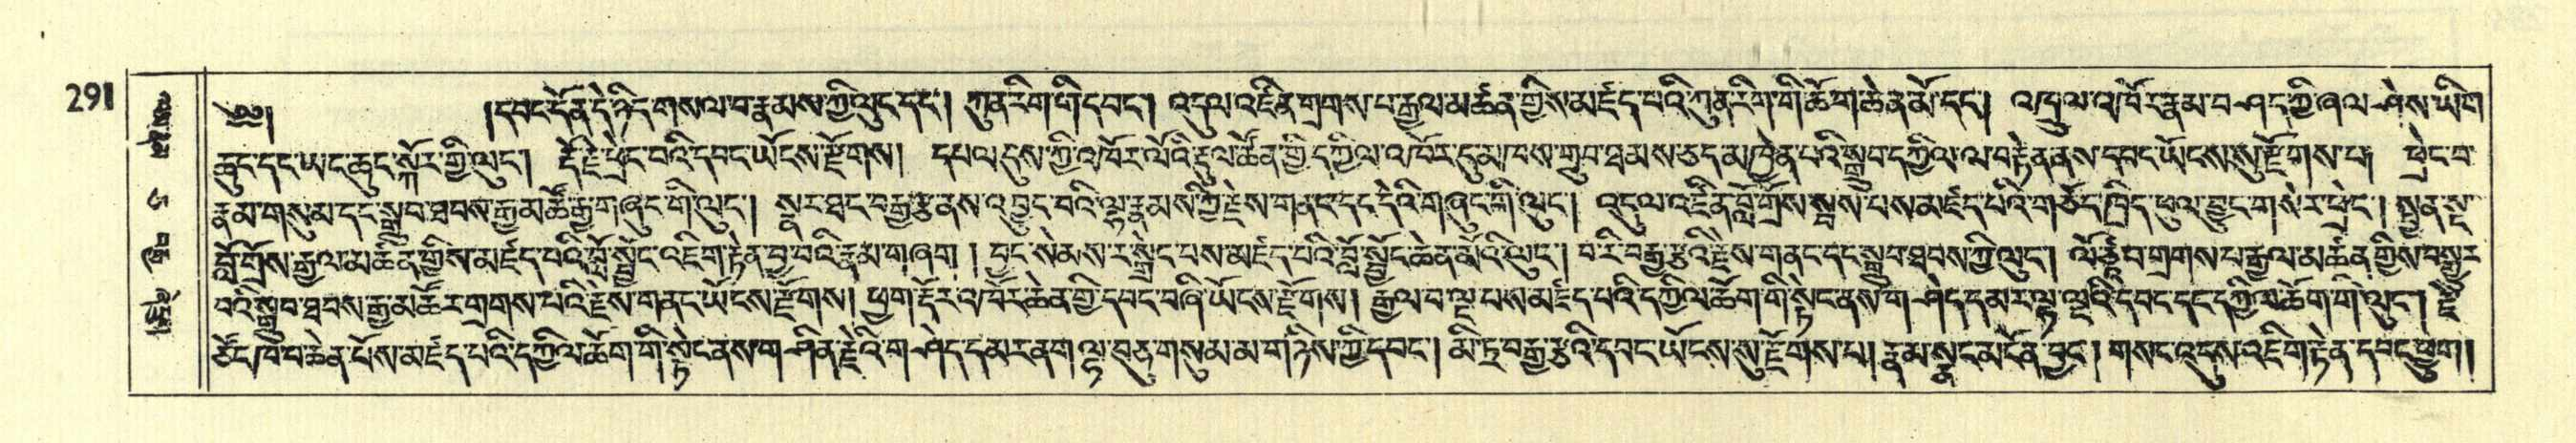༄༅། །དབང་དོན་དེ་ཉིད་གསལ་བ་རྣམས་ཀྱི་ལུང་དང་། ཀུན་རིག་གི་དབང་། འདུལ་འཛིན་གྲགས་པ་རྒྱལ་མཚན་གྱིས་མཛད་པའི་ཀུན་རིག་གི་ཆོ་ག་ཆེན་མོ་དང་། འཁྲུལ་འཁོར་རྣམ་བཤད་ཀྱི་ཞལ་ཤེས་ཡིག་
ཆུང་དང་ཡང་ཆུང་སྐོར་གྱི་ལུང་། རྡོ་རྗེ་ཕྲེང་བའི་དབང་ཡོངས་རྫོགས། དཔལ་དུས་ཀྱི་འཁོར་ལོའི་རྡུལ་ཚོན་གྱི་དཀྱིལ་འཁོར་དུ་མཁས་གྲུབ་ཐམས་ཅད་མཁྱེན་པའི་སྒྲུབ་དཀྱིལ་ལ་བརྟེན་ནས་དབང་ཡོངས་སུ་རྫོགས་པ། ཕྲེང་བ་
རྣམ་གསུམ་དང་སྒྲུབ་ཐབས་རྒྱ་མཚོ་རྒྱ་གཞུང་གི་ལུང་། སྣར་ཐང་བརྒྱ་རྩ་ནས་འབྱུང་བའི་ལྷ་རྣམས་ཀྱི་རྗེས་གནང་དང་དེའི་གཞུང་གི་ལུང་། འདུལ་འཛིན་བློ་གྲོས་སྦས་པས་མཛད་པའི་གཅོད་ཁྲིད་ཕུལ་བྱུང་གསེར་ཕྲེང་། སྤྱན་སྔ་
བློ་གྲོས་རྒྱལ་མཚན་གྱིས་མཛད་པའི་བློ་སྦྱོང་འཇིག་རྟེན་བྱ་བའི་རྣམ་གཞག །བྱང་སེམས་ར་སྒྲེང་པས་མཛད་པའི་བློ་སྦྱོང་ཆེན་མོའི་ལུང་། བ་རི་བརྒྱ་རྩའི་རྗེས་གནང་དང་སྒྲུབ་ཐབས་ཀྱི་ལུང་། ལོ་ཙཱ་བ་གྲགས་པ་རྒྱལ་མཚན་གྱིས་བསྒྱུར་
བའི་སྒྲུབ་ཐབས་རྒྱ་མཚོར་གྲགས་པའི་རྗེས་གནང་ཡོངས་རྫོགས། ཕྱག་རྡོར་འཁོར་ཆེན་གྱི་དབང་བཞི་ཡོངས་རྫོགས། རྒྱལ་བ་ལྔ་པས་མཛད་པའི་དཀྱིལ་ཆོག་གི་སྟེང་ནས་གཤེད་དམར་ལྷ་ལྔའི་དབང་དང་དཀྱིལ་ཆོག་གི་ལུང་། རྗེ་
ཙོང་ཁ་པ་ཆེན་པོས་མཛད་པའི་དཀྱིལ་ཆོག་གི་སྟེང་ནས་གཤིན་རྗེའི་གཤེད་དམར་ནག་ལྷ་བཅུ་གསུམ་མ་གཉིས་ཀྱི་དབང་། མི་ཏྲ་བརྒྱ་རྩའི་དབང་ཡོངས་སུ་རྫོགས་པ། རྣམ་སྣང་མངོན་བྱང་། གསང་འདུས་འཇིག་རྟེན་དབང་ཕྱུག།